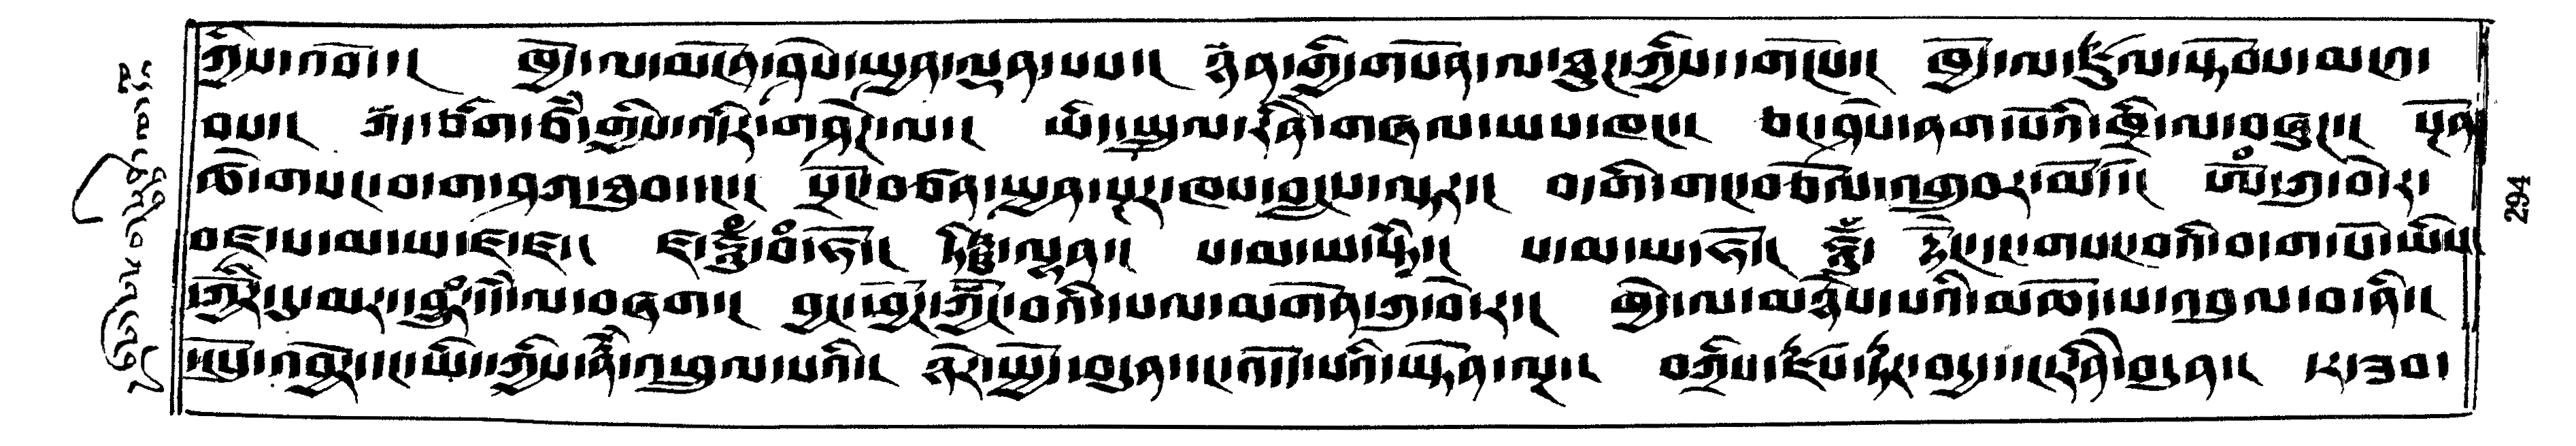ཀྱིས་འབོད། །ཁྱོད་ལ་མངོན་ཤེས་སྤྱན་ལྡན་པས། །སྙན་གྱིས་གསོན་ལ་ཐུགས་ཀྱིས་དགོངས། །ཁྱོད་ལ་རྫ་འཕྲུལ་སྟོབས་མངའ་
བས། །སྐད་ཅིག་ཙམ་གྱིས་འདིར་གཤེགས་ལ། །ཡིད་སྤྲུལ་རིན་ཆེན་གཞལ་ཡས་ཁང་། །ཅང་ཤེས་ནག་པོའི་ཁྲི་ལ་བཞུགས། །སྔོན་
ཚེ་གསང་བདག་ཤཱཀ་ཐུབ་དང་། །སྲོང་བཙན་སྤྱན་སྔར་ཁས་བླངས་ལྟར། །བདག་གིས་གང་བཅོལ་འགྲུབ་པར་མཛོད། །ཨོཾ་ཀུ་བེ་ར་
བཛྲ་ས་མ་ཡ་ཛ་ཛ།ཛཧཱུྃ་བཾ་ཧོ། ཏིཥྛ་ལྷན། །ས་མ་ཡ་སྟཾ། ས་མ་ཡ་ཧོ། ཧཱུྃ། རྡོ་རྗེ་འཆང་དང་གསང་བའི་བདག་པོ་ཡིས། །
དཀྱིལ་འཁོར་དུ་མར་དབང་བསྐུར་དམ་ལ་བཞག །བྱང་ཕྱོགས་སྐྱོང་བའི་དཔལ་མགོན་ཀུ་བེ་ར། །ཁྱེད་ལ་མཉེས་པའི་མཆོད་པ་འབུལ་བ་ནི། །
དངོས་སུ་འབྱོར་དང་ཡིད་ཀྱིས་རྣམ་སྤྲུལ་པའི། །ཉེར་སྤྱོད་བདུན་དང་འདོད་པའི་ཡོན་ཏན་ལྔ་། །བཀྲ་ཤིས་རྫས་རྟགས་བརྒྱད་དང་རིན་ཆེན་བདུན། །དར་ཟབ་